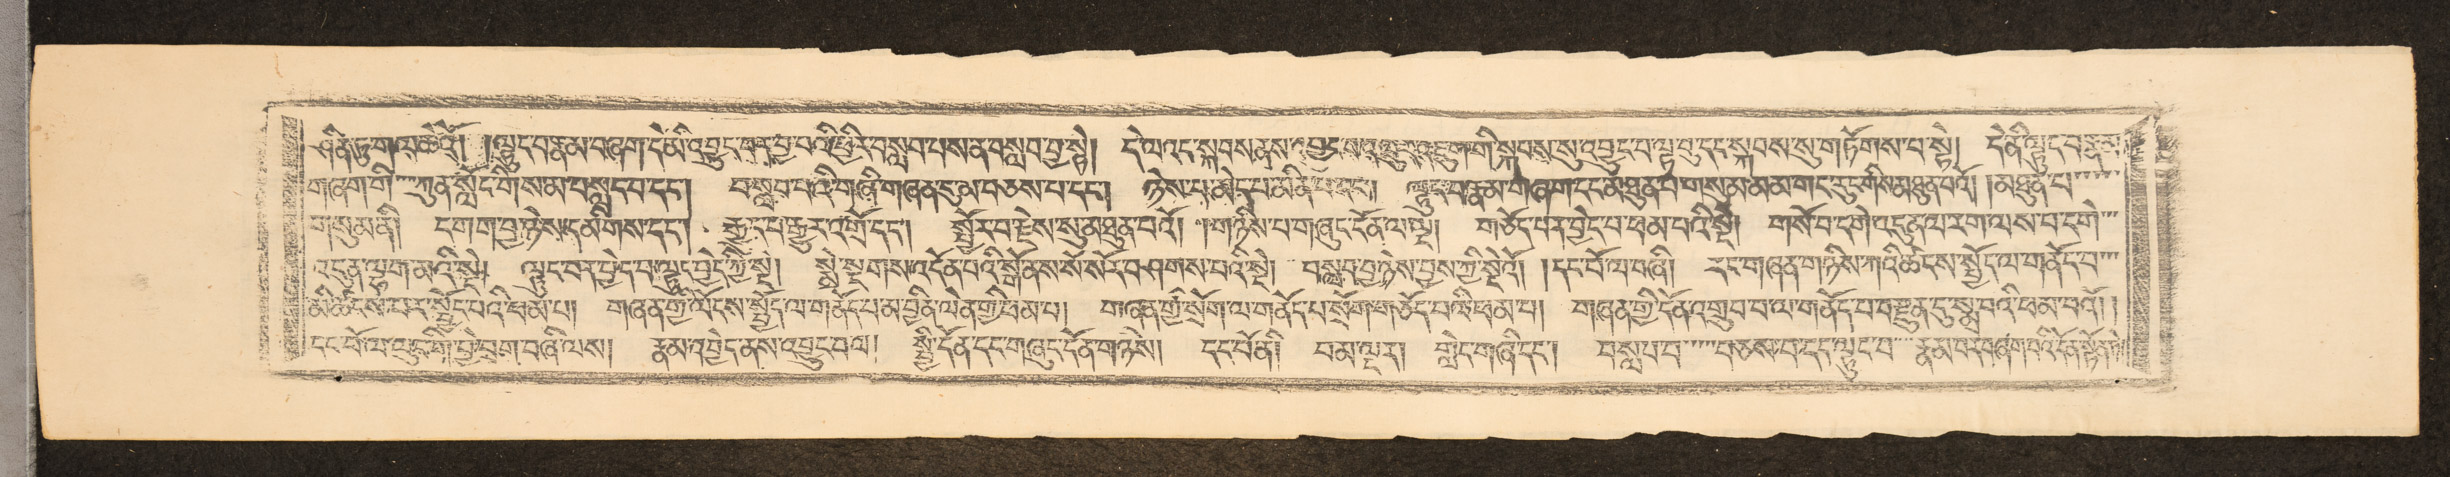ཤིན་ཏུ་གལ་ཆེའོ། །ལྟུང་བ་རྣམ་བཞག་དེ་མི་འབྱུང་བར་བྱ་བའི་ཕྱིར་བསླབ་པས་ན་བསླབ་བྱ་སྟེ། དེ་ལའང་སྐབས་ནས་འབྱུང་བ་འཁྲུར་འཇུག་གི་སྐབས་སུ་འབྱུང་བ་ལྟ་བུ་དང་སྐབས་སུ་གཏོགས་པ་སྟེ། དེ་ནི་ལྟུང་བ་རྣམ་
གཞག་གི་ཀུན་སློང་གིས་མ་བསླང་བ་དང་། བསླབ་པའི་གཞི་གཞན་དུ་མ་བཅས་པ་དང་། ཉེས་པ་མེད་པ་མིན་པ་དང་། ལྟུང་བ་རྣམ་གཞག་དང་མཐུན་པ་གསུམ་མམ་གང་རུང་གིས་མཐུན་པའོ། །མཐུན་པ་
གསུམ་ནི། དགག་བྱ་ཉེས་དམིགས་དང་། རྒྱུད་པ་རྒྱུར་འགྲོ་དང་། སྦྱོར་བ་རྗེས་སུ་མཐུན་པའོ། །གཉིས་པ་གཞུང་དོན་ལ་ལྔ། གཅོད་པར་བྱེད་པ་ཕམ་པའི་སྡེ། གསོ་བ་དགེ་འདུན་ལ་རག་ལས་པ་དགེ་
འདུན་ལྷག་མའི་སྡེ། ལྟུང་བར་བྱེད་པ་ལྟུང་བྱེད་ཀྱི་སྡེ། སྨྲེ་སྔགས་འདོན་པའི་སྒོ་ནས་སོ་སོར་བཤགས་པའི་སྡེ། བསླབ་བྱ་ཉེས་བྱས་ཀྱི་སྡེའོ། །དང་པོ་ལ་བཞི། རང་གཞན་གཉིས་ཀའི་ཚངས་སྤྱོད་ལ་གནོད་པ་
མི་ཚངས་པར་སྤྱོད་པའི་ཕམ་པ། གཞན་གྱི་ལོངས་སྤྱོད་ལ་གནོད་པ་མ་བྱིན་ལེན་གྱི་ཕམ་པ། གཞན་གྱི་སྲོག་ལ་གནོད་པ་སྲོག་གཅོད་པའི་ཕམ་པ། གཞན་གྱི་དོན་འགྲུབ་བ་ལ་གནོད་པ་བརྫུན་དུ་སྨྲ་བའི་ཕམ་པའོ།།
དང་པོ་ལ་ལུང་གི་བྱེ་བྲག་བཞི་ལས། རྣམ་འབྱེད་ནས་འབྱུང་བ་ལ། སྤྱི་དོན་དང་གཞུང་དོན་གཉིས། དང་པོ་ནི། བམ་ལྔར། གླེང་གཞི་དང་། བསླབ་པ་བཅས་པ་དང་ལྟུང་བ་རྣམ་པར་བཞག་པའི་དོན་སྟོན་ཏེ།